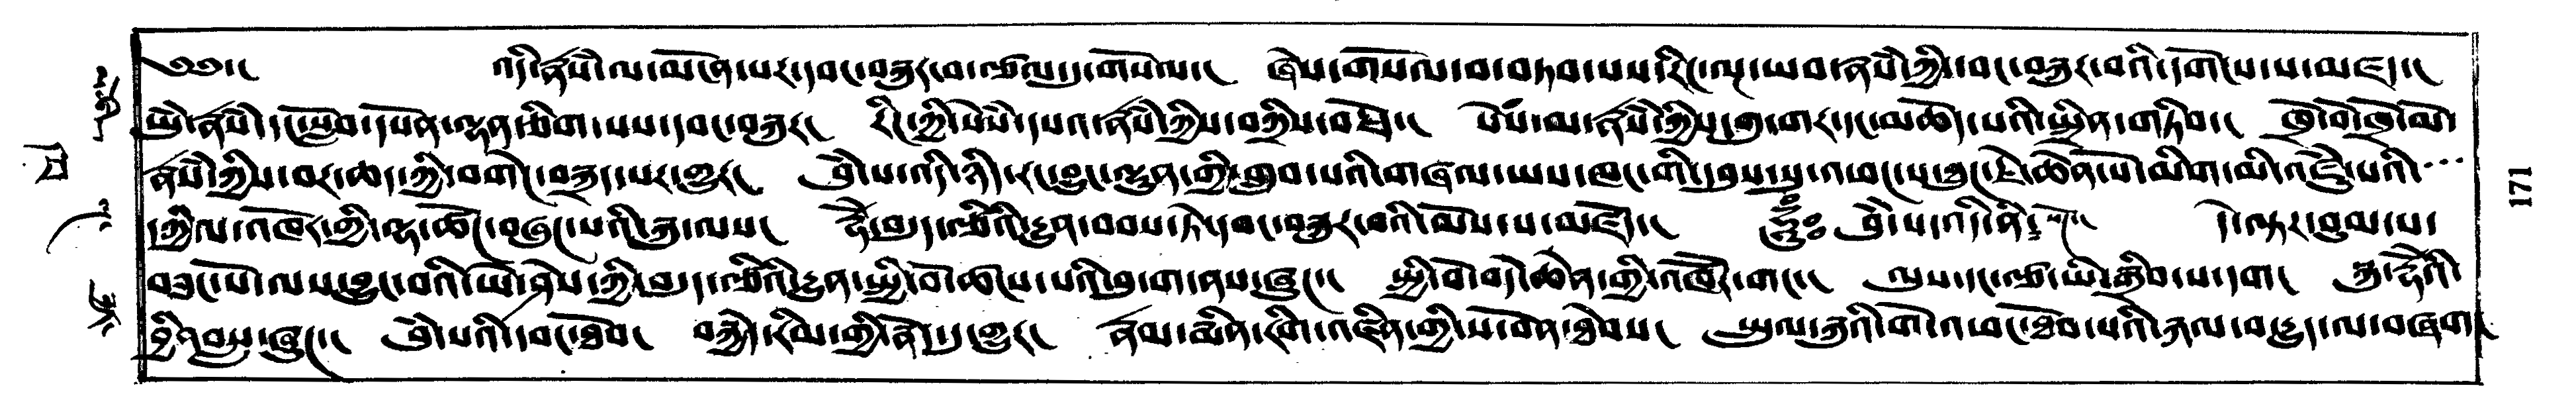འདི་རྣམས་ལ་མངོན་པར་དབང་བསྐུར་བ་བསྩལ་དུ་གསོལ། ཞེས་གསོལ་བ་བཏབ་པས་རིགས་ལྔ་ཡབ་རྣམས་ཀྱི་དབང་བསྐུར་བའི་དགོངས་པ་མཛད་
ཡུམ་རྣམས་དང་སློབ་དཔོན་ལྷན་ཅིག་པས་དབང་བསྐུར། རིགས་ཀྱི་སེམས་དཔའ་རྣམས་ཀྱིས་བཀྲ་ཤིས་བརྗོད། སེམས་མ་རྣམས་ཀྱིས་གླུ་གར་དང་མཆོད་པའི་སྤྲིན་གཏིབ། ཁྲོ་བོ་ཁྲོ་མོ་
རྣམས་ཀྱིས་བར་ཆད་ཀྱི་བགེགས་བསྐྲད་པར་གྱུར། བུམ་པ་འདི་ཉིད་རང་བྱུང་ལྷུན་གྱི་གྲུབ་པའི་གཞལ་ཡས་ཁང་གི་དབུས་སུ་འཕགས་པ་ཐུགས་རྗེ་ཆེན་པོ་མིག་མི་འཛུམ་པའི་
དཀྱིལ་འཁོར་གྱི་ལྷ་ཚོགས་བཞུགས་པའི་སྐུ་ལས། རྡོ་རྗེ་བདུད་རྩིའི་རྒྱུན་བབས་ཏེ་དབང་བསྐུར་བའི་མོས་པ་མཛོད། ཧཱུྃཿ བུམ་པ་འདི་ནི༴ སོགས། དེ་ལྟར་བུམ་པ་
བཟང་པོ་ལས་བྱུང་བའི་ཡེ་ཤེས་ཀྱི་བདུད་རྩིའི་རྒྱུན་སྤྱི་བོ་ཚངས་པའི་བུ་ག་ནས་ཞུགས། སྤྱི་བོ་བདེ་ཆེན་གྱི་འཁོར་ལོ་གང་། ལུས་དང་རྩའི་སྒྲིབ་པ་དག སྐུ་རྡོ་རྗེའི་
བྱིན་བརླབས་ཞུགས། བུམ་པའི་དབང་ཐོབ། བསྐྱེད་རིམ་གྱི་སྣོད་དུ་གྱུར། རྣམ་སྨིན་རིག་འཛིན་གྱི་ས་བོན་ཐེབས། སྤྲུལ་སྐུའི་གོ་འཕང་ཐོབ་པའི་སྐལ་བ་རྒྱུད་ལ་བཞག་